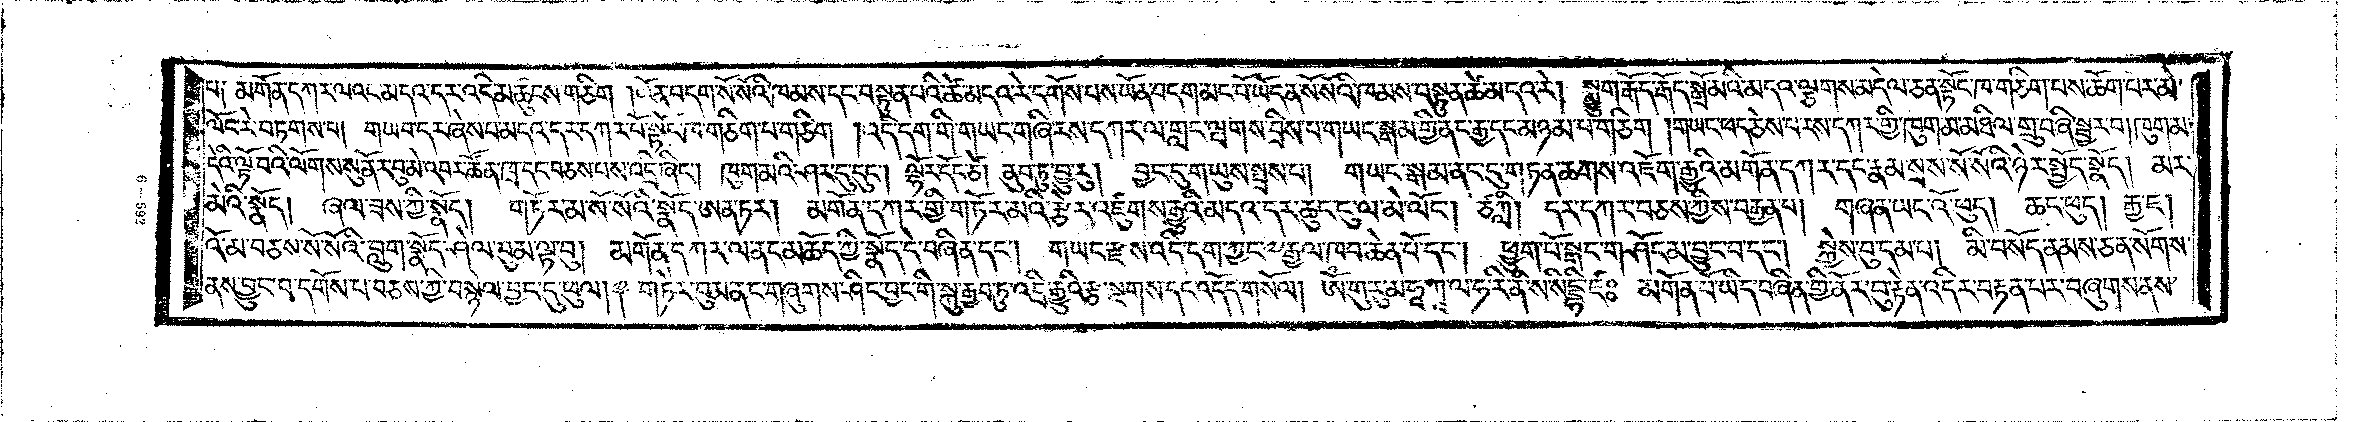པ༑ མགོན་དཀར་ལའང་མདའ་དར་འདི་མཚུངས་གཅིག །པོན་བདག་སོ་སོའི་ཁམས་དང་བསྟུན་པའི་ཚེ་མདའ་རེ་དགོས་པས་ཡོན་བདག་མང་པོ་ཡོད་ན་སོ་སོའི་ཁམས་བསྟུན་ཚེ་མདའ་རེ། སྨྱུག་རྒོད་རྒོད་སྒྲོ་མའི་མདའ་ལྕགས་མདེལ་ཅན་སྟོང་ཁ་གཅིག་པས་ཆོག་པར་མེ་
ལོང་རེ་བཏགས་པ། གཡབ་དར་ཞེས་པ་མདའ་དར་དཀར་པོ་སྟོང་ཁ་གཅིག་པ་གཅིག །འདི་དག་གི་གཡང་གཞི་རས་དཀར་ལ་གླང་ལྤགས་བྲིས་པ་གཡང་སྒམ་གྱི་ནང་རྒྱ་དང་མཉམ་པ་གཅིག །གཡང་ཕད་ཅེས་པ་རས་དཀར་གྱི་ཁུག་མ་མཐིལ་གྲུ་བཞི་སྦྱར་བ་།ཁུག་མ་
དེའི་ལྟོ་བའི་ལོགས་སུ་ནོར་བུ་མེ་འབར་ཚོན་ཁྲ་དང་བཅས་པས་འདྲི་ཞིང་། ཁུག་མའི་ཤར་དུ་དུང་། ལྷོར་དོང་ཙེ། ནུབ་ཏུ་བྱུ་རུ། བྱང་དུ་གཡུས་སྤྲས་པ། གཡང་སྒམ་ནང་དུ་གཏན་ཆགས་འཇོག་རྒྱུའི་མགོན་དཀར་དང་རྣམ་སྲས་སོ་སོའི་ཉེར་སྤྱོད་སྣོད། མར་
མེའི་སྣོད། ཞལ་ཟས་ཀྱི་སྣོད། གཏོར་མ་སོ་སོའི་སྣོད་ཨན་ཏར། མགོན་དཀར་གྱི་གཏོར་མའི་རྩེར་འཛུགས་རྒྱུའི་མདའ་དར་ཆུང་ངུ་ལ་མེ་ལོང་། ཙཀླི། དར་དཀར་བཅས་ཀྱིས་བརྒྱན་པ། གཞན་ཡང་འོ་ཕུད། ཆང་ཕུད། རྒྱ་ཇ།
འོ་མ་བཅས་སོ་སོའི་བླུག་སྣོད་ཤེལ་བུམ་ལྟ་བུ། མགོན་དཀར་ལ་ནང་མཆོད་ཀྱི་སྣོད་དེ་བཞིན་དང་། གཡང་རྫས་འདི་དག་ཀྱང ༧རྒྱལ་ཁབ་ཆེན་པོ་དང་། ཕྱུག་པོ་སྒང་གཤོང་མ་བྱུང་བ་དང་། སྐྱེས་བུ་དམ་པ། མི་བསོད་ནམས་ཅན་སོགས་
ནས་བྱུང་བ་དགོས་པ་བཅས་ཀྱི་བསྙེལ་བྱང་དུ་ཕུལ། ༈ གཏེར་བུམ་ནང་གཞུགས་ཤིང་བྱང་གི་སྐུ་རྒྱབ་ཏུ་འདྲི་རྒྱུའི་རྩ་སྔགས་དང་འདོད་གསོལ། ཨོཾ་གུ་རུ་མ་ཧཱ་ཀཱ་ལ་ཧ་རི་ནི་ས་སིདྡྷི་ཛཿམགོན་པོ་ཡིད་བཞིན་གྱི་ནོར་བུ་རྟེན་འདིར་བརྟན་པར་བཞུགས་ནས་